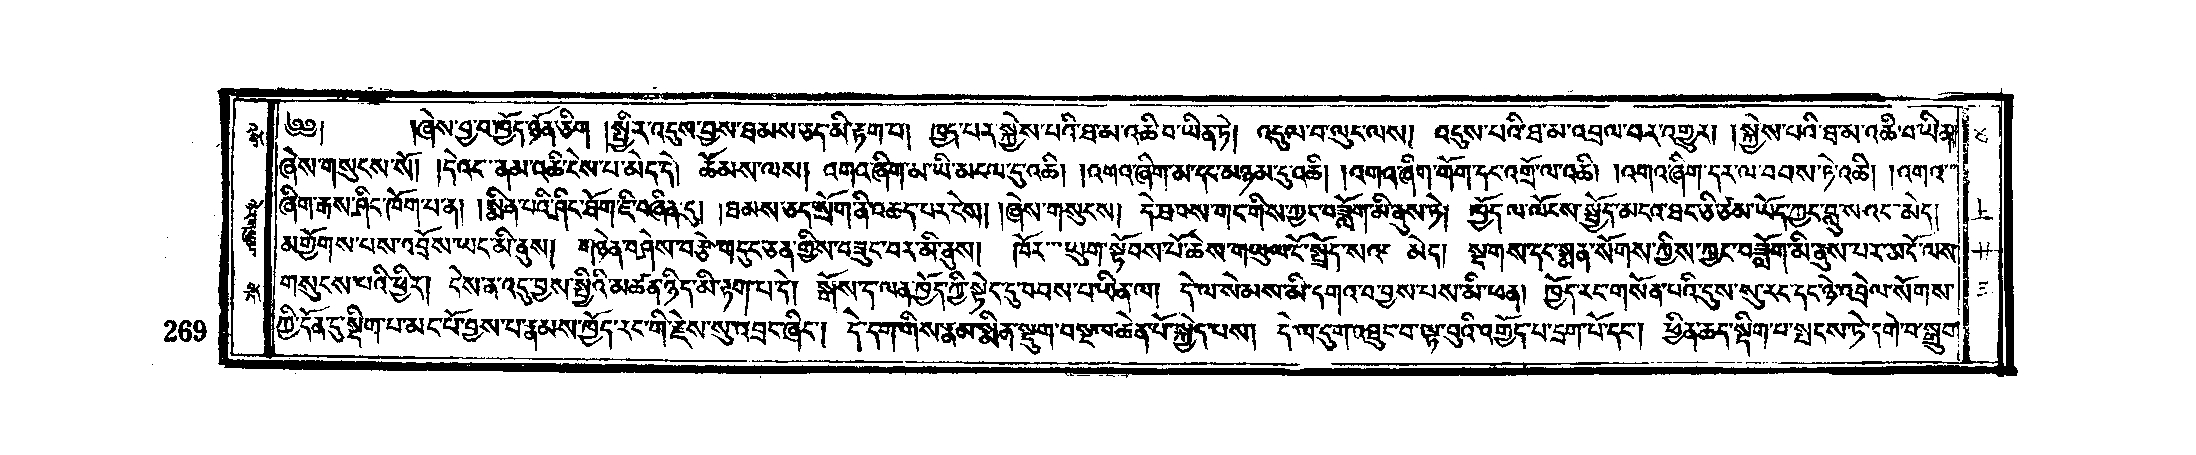༄༅། །ཞེས་བྱ་བ་ཁྱོད་ཉོན་ཅིག །སྤྱིར་འདུས་བྱས་ཐམས་ཅད་མི་རྟག་པ། ཁྱད་པར་སྐྱེས་པའི་ཐ་མ་འཆི་བ་ཡིན་ཏེ། འདུལ་བ་ལུང་ལས། འདུས་པའི་ཐ་མ་འབྲལ་བར་འགྱུར། །སྐྱེས་པའི་ཐ་མ་འཆི་བ་ཡིན་
ཞེས་གསུངས་སོ། །དེའང་ནམ་འཆི་ངེས་པ་མེད་དེ། ཆོམས་ལས། འགའ་ཞིག་མ་ཡིན་མངལ་དུ་འཆི། །འགའ་ཞིག་མ་དང་མཉམ་དུ་འཆི། །འགའ་ཞིག་གོག་དང་འགྲོ་ལ་འཆི། །འགའ་ཞིག་དར་ལ་བབས་ཏེ་འཆི། །འགའ་
ཞིག་རྒས་ཤིང་ཁོག་པ་ན། སྨིན་པའི་ཤིང་ཐོག་ཇི་བཞིན་དུ། །ཐམས་ཅད་སྲོག་ནི་འཆད་པར་ངེས། །ཞེས་གསུངས། དེ་ཐབས་གང་གིས་ཀྱང་བཟློག་མི་ནུས་ཏེ། ཁྱོད་ལ་ལོངས་སྤྱོད་མངའ་ཐང་ཅི་ཙམ་ཡོད་ཀྱང་བླུ་སའང་མེད།
མགྱོགས་པས་འབྲོས་ཡང་མི་ནུས། གཉེན་བཤེས་བརྩེ་གདུང་ཅན་གྱིས་བཟུང་བར་མི་ནུས། ཁོར་ཡུག་སྟོབས་པོ་ཆེས་གཡུལ་ངོ་སྤྲོད་སའང་མེད། སྔགས་དང་སྨན་སོགས་ཀྱིས་ཀྱང་བཟློག་མི་ནུས་པར་མདོ་ལས་
གསུངས་པའི་ཕྱིར། དེས་ན་འདུ་བྱས་སྤྱིའི་མཚན་ཉིད་མི་རྟག་པ་དེ། སྒོས་ད་ལན་ཁྱོད་ཀྱི་སྟེང་དུ་བབས་པ་ཡིན་ལ། དེ་ལ་སེམས་མི་དགའ་བ་བྱས་པས་མི་ཕན། ཁྱོད་རང་གསོན་པའི་དུས་སུ་རང་དང་ཉེ་འབྲེལ་སོགས་
ཀྱི་དོན་དུ་སྡིག་པ་མང་པོ་བྱས་པ་རྣམས་ཁྱོད་རང་གི་རྗེས་སུ་འབྲང་ཞིང་། དེ་དག་གིས་རྣམ་སྨིན་སྡུག་བསྔལ་ཆེན་པོ་སྐྱེད་པས། དེ་ལ་དུག་འཐུང་བ་ལྟ་བུའི་འགྱོད་པ་དྲག་པོ་དང་། ཕྱིན་ཆད་སྡིག་པ་སྤངས་ཏེ་དགེ་བ་བསྒྲུབ་